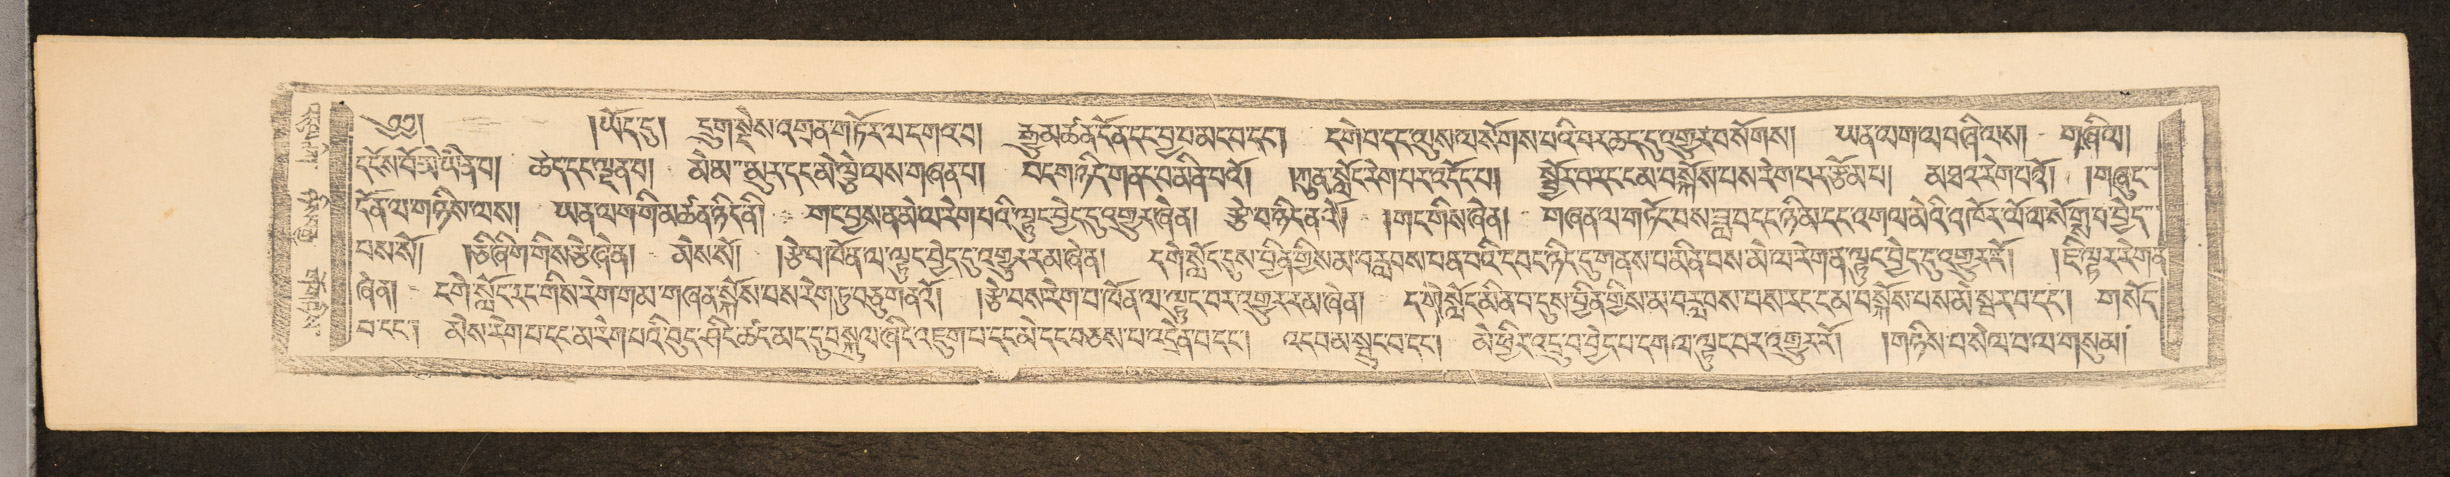༄༅། །ཡོད་དུ། དྲུག་སྡེས་འགྲན་གཏོར་ལ་དགའ་བ། རྒྱུ་མཚན་དོན་དང་བྱ་བ་མང་བ་དང་། དགེ་བ་དང་ལུས་ལ་སོགས་བའི་བར་བར་ཆད་དུ་འགྱུར་བ་སོགས། ཡན་ལག་ལ་བཞི་ལས། གཞི་ལ།
དངོས་པོ་མེ་ཡིན་པ། ཚད་དང་ལྡན་པ། མེ་མ་མུར་དང་མེ་ལྕེ་ལས་གཞན་པ། བདག་ཉིད་གནང་བ་མིན་པའོ། །ཀུན་སློང་རེག་པར་འདོད་པ། སྦྱོར་བ་རང་ངམ་བསྐོས་པས་རེག་པར་རྩོམ་པ། མཐའ་རེག་པའོ། །གཞུང་
དོན་ལ་གཉིས་ལས། ཡན་ལག་གི་མཚན་ཉིད་ནི། གང་བྱས་ན་མེ་ལ་རེག་པའི་ལྟུང་བྱེད་དུ་འགྱུར་ཞེ་ན། རྩེ་བ་ཉིད་ནའོ། །གང་གིས་ཞེ་ན། གཞན་ལ་གཏོང་བས་ཟླ་བ་དང་ཉི་མ་དང་འགལ་མེའི་འཁོར་ལོ་ལ་སོགས་བ་བྱེད་
པས་སོ། །ཅི་ཞིག་གིས་རྩེ་ཞེན། མེས་སོ། །རྩེ་བ་ཁོན་ལ་ལྟུང་བྱེད་དུ་འགྱུར་རམ་ཞེ་ན། དགེ་སློང་དུས་བྱིན་གྱིས་མ་བརླབས་པ་ན་བའི་དབང་ཉིད་དུ་གནས་པ་མིན་པས་མེ་ལ་རེག་ན་ལྟུང་བྱེད་དུ་འགྱུར་རོ། །ཇི་ལྟར་རེག་ན་
ཞེ་ན། དགེ་སློང་རང་གིས་རེག་གམ་གཞན་སྐོས་པས་རེག་ཏུ་བཅུག་ནའོ། །རྩེ་བས་རེག་པ་ཁོ་ན་ལ་ལྟུང་བར་འགྱུར་རམ་ཞེ་ན། དགེ་སློང་མིན་པ་དུས་བྱིན་གྱིས་མ་བརླབས་པས་རང་ངམ་བསྐོས་པས་མེ་སྦར་བ་དང་། གསོང་
པ་དང་། མེས་རེག་པ་དང་མ་རེག་པའི་བུད་ཤིང་ཚང་མང་དུ་བསྐུལ་ཞིང་འཇུག་པ་དང་མེ་དང་བཅས་པ་འདྲེན་པ་དང་། འདབ་མ་སྤུང་བ་དང་། མེ་ཕྱིར་འདྲུ་བ་བྱེད་པ་དག་ལ་ལྟུང་བར་འགྱུར་རོ། །གཉིས་པ་སེལ་བ་ལ་གསུམ།